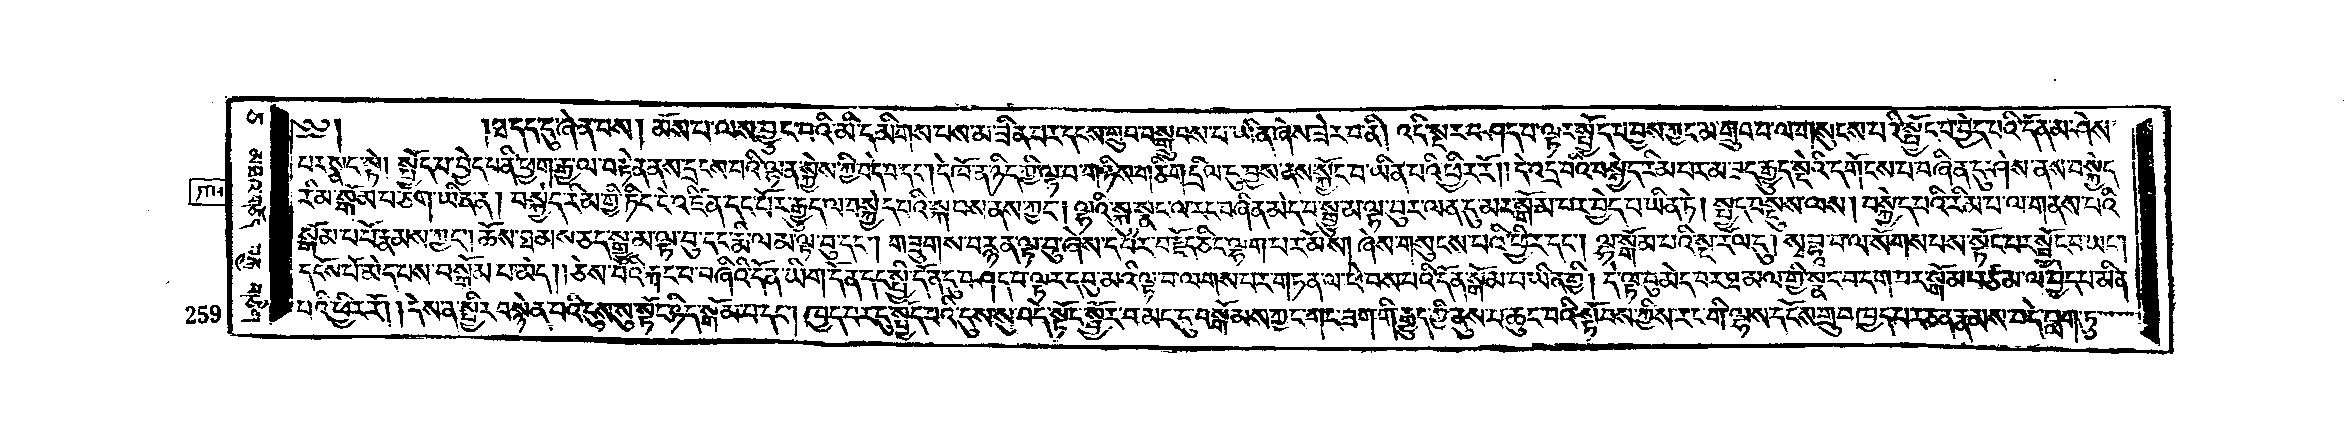༄༅། །ཐ་དད་དུ་ཞེན་པས། མོས་པ་ལས་བྱུང་བའི་མི་དམིགས་པས་མ་ཟིན་པར་དངོས་གྲུབ་བསྒྲུབས་པ་ཡིན་ཞེས་ཟེར་བ་ནི། འདི་སྔར་བཤད་པ་ལྟར་སྤྱོད་པ་བྱས་ཀྱང་མ་གྲུབ་པ་ལ་གསུངས་པའི་སྤྱོད་པ་བྱེད་པའི་དོན་མ་ཤེས་
པར་སྣང་སྟེ། སྤྱོད་པ་བྱེད་པ་ནི་ཕྱག་རྒྱ་ལ་བརྟེན་ནས་དྲངས་པའི་ལྷན་སྐྱེས་ཀྱི་བདེ་བ་དང་། དེ་ཁོ་ན་ཉིད་ཀྱི་ལྟ་བ་གཉིས་གཅིག་དྲིལ་དུ་བྱས་ནས་སྐྱོང་བ་ཡིན་པའི་ཕྱིར་རོ། །དེ་འདྲ་བའི་བསྐྱེད་རིམ་པར་མ་ཟད་རྒྱུད་སྡེའི་དགོངས་པ་བཞིན་དུ་ཤེས་ནས་བསྐྱེད་
རིམ་སྒོམ་པ་ཅིག་ཡིན་ན། བསྐྱེད་རིམ་གྱི་ཏིང་ངེ་འཛིན་དང་པོར་རྒྱུད་ལ་བསྐྱེད་པའི་སྐབས་ནས་ཀྱང་། ལྷའི་སྐུ་སྣང་ལ་རང་བཞིན་མེད་པ་སྒྱུ་མ་ལྟ་བུར་ལན་དུ་མར་སྒོམ་པར་བྱེད་པ་ཡིན་ཏེ། སྤྱད་བསྡུས་ལས། བསྐྱེད་པའི་རིམ་པ་ལ་གནས་པའི་
སྒོམ་པ་པོ་རྣམས་ཀྱང་། ཆོས་ཐམས་ཅད་སྒྱུ་མ་ལྟ་བུ་དང་རྨི་ལམ་ལྟ་བུ་དང་། གཟུགས་བརྙན་ལྟ་བུ་ཞེས་དཔེར་བརྗོད་ཅིང་ལྷག་པར་མོས། ཞེས་གསུངས་པའི་ཕྱིར་དང་། ལྷ་སྒོམ་པའི་སྔ་རོལ་དུ། སྭ་བྷཱ་བ་ལ་སོགས་པས་སྟོང་པར་སྦྱོང་བ་ཡང་།
དངོས་པོ་མེད་པས་བསྒོམ་པ་མེད། །ཅེས་པའི་རྐང་པ་བཞིའི་དོན་ཡིག་དོན་དང་སྤྱི་དོན་དུ་བཤད་པ་ལྟར་དབུ་མའི་ལྟ་བ་ལེགས་པར་གཏན་ལ་ཕེབས་པའི་དོན་སྒོམ་པ་ཡིན་གྱི། དེ་ལྟ་བུ་མེད་བར་ཐ་མལ་གྱི་སྣང་བ་དག་པར་སྒོམ་པ་ཙམ་ལ་བྱེད་པ་མིན་
པའི་ཕྱིར་རོ། །དེས་ན་སྤྱིར་བསྙེན་པའི་དུས་སུ་སྟོང་ཉིད་སྒོམ་པ་དང་། ཁྱད་པར་དུ་སྤྱོད་པའི་དུས་སུ་བདེ་སྟོང་སྦྱོར་བ་མང་དུ་བསྒོམས་ཀྱང་གང་ཟག་གི་རྒྱུད་ཀྱི་ནུས་པ་ཆུང་བའི་སྟོབས་ཀྱིས་རང་གི་ལྷས་དངོས་གྲུབ་ཁྱད་པར་ཅན་རྣམས་བདེ་བླག་ཏུ་